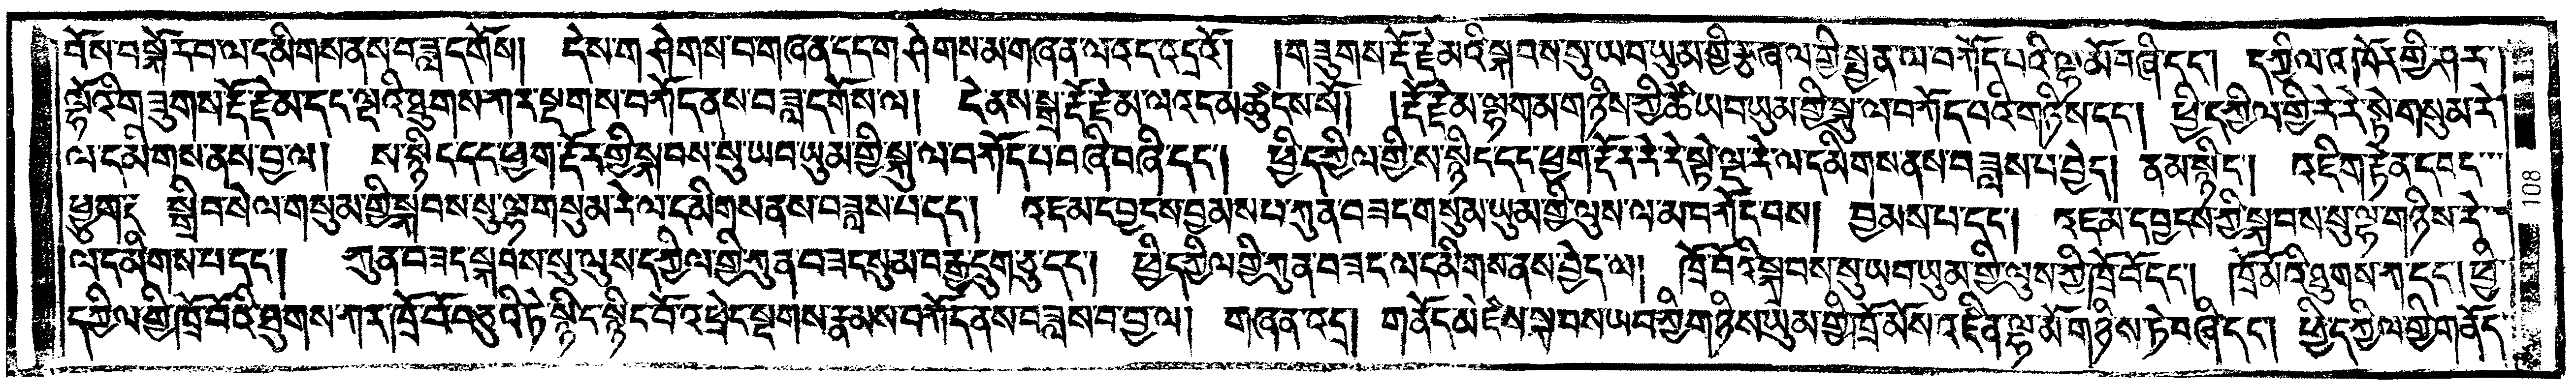བོས་བསྐོར་བ་ལ་དམིགས་ནས་བཟླ་དགོས། དེས་གཤེགས་བ་གཞན་དང་གཤེགས་མ་གཞན་ལའང་འདྲའོ། །གཟུགས་རྡོ་རྗེ་མའི་སྐབས་སུ་ཡབ་ཡུམ་གྱི་རྩ་ཞལ་གྱི་སྤྱན་ལ་བཀོད་པའི་ལྷ་མོ་བཞི་དང་། དཀྱིལ་འཁོར་གྱི་ཤར་
ལྷོའི་གཟུགས་རྡོ་རྗེ་མ་དང་ལྔའི་ཐུགས་ཀར་སྔགས་བཀོད་ནས་བཟླ་དགོས་ལ། དེ་ནས་སྒྲ་རྡོ་རྗེ་མ་ལའང་མཚུངས་སོ། །རྡོ་རྗེ་མ་ལྷག་མ་གཉིས་ཀྱི་ཚེ་ཡབ་ཡུམ་གྱི་སྐུ་ལ་བཀོད་པའི་གཉིས་དང་། ཕྱི་དཀྱིལ་གྱི་རེ་རེ་སྟེ་གསུམ་རེ་
ལ་དམིགས་ནས་བྱ་ལ། ས་སྙིང་དང་ཕྱག་རྡོར་གྱི་སྐབས་སུ་ཡབ་ཡུམ་གྱི་སྐུ་ལ་བཀོད་པ་བཞི་བཞི་དང་། ཕྱི་དཀྱིལ་གྱི་ས་སྙིང་དང་ཕྱུག་རྡོར་རེ་རེ་སྟེ་ལྔ་རེ་ལ་དམིགས་ནས་བཟླས་པ་བྱེད། ནམ་སྙིང་། འཇིག་རྟེན་དབང་
ཕྱུག༑ སྒྲིབ་སེལ་གསུམ་གྱི་སྐབས་སུ་ལྷ་གསུམ་རེ་ལ་དམིགས་ནས་བཟླས་པ་དང་། འཇམ་དབྱངས་བྱམས་པ་ཀུན་བཟང་གསུམ་ཡུམ་གྱི་ལུས་ལ་མ་བཀོད་བས། བྱམས་པ་དང་། འཇམ་དབྱངས་ཀྱི་སྐབས་སུ་ལྷ་གཉིས་རེ་
ལ་དམིགས་པ་དང་། ཀུན་བཟང་སྐབས་སུ་ལུས་དཀྱིལ་གྱི་ཀུན་བཟང་སུམ་བརྒྱ་དྲུག་ཅུ་དང་། ཕྱི་དཀྱིལ་གྱི་ཀུན་བཟང་ལ་དམིགས་ནས་བྱེད་ལ། ཁྲོ་བོའི་སྐབས་སུ་ཡབ་ཡུམ་གྱི་ལུས་ཀྱི་ཁྲོ་བོ་དང་། ཁྲོ་མོའི་ཐུགས་ཀ་དང་། ཕྱི་
དཀྱིལ་གྱི་ཁྲོ་བོའི་ཐུགས་ཀར་ཁྲོ་བོ་བཅུའི་ཏེ་སྙིང་སྙིང་པོ་འཕྲེང་སྔགས་རྣམས་བཀོད་ནས་བཟླས་བ་བྱ་ལ། གཞན་འདྲ། གནོད་མཛེས་སྐབས་ཡབ་ཀྱི་གཉིས་ཡུམ་གྱི་ཁྲོ་མོས་འཛིན་ལྷ་མོ་གཉིས་ཏེ་བཞི་དང་། ཕྱི་དཀྱིལ་གྱི་གནོད་